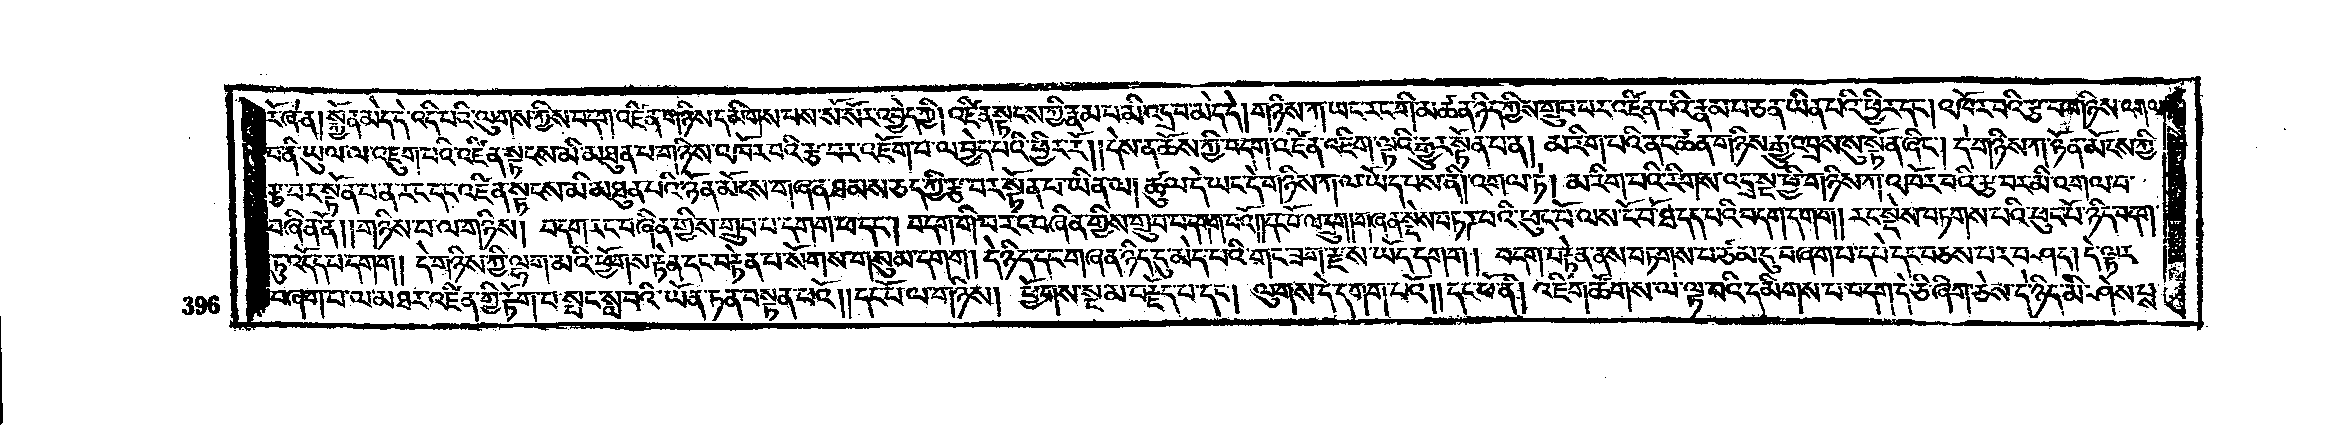རོ་ཞེ་ན། སྐྱོན་མེད་དེ་འདི་པའི་ལུགས་ཀྱིས་བདག་འཛིན་གཉིས་དམིགས་པས་སོ་སོར་འབྱེད་ཀྱི། འཛིན་སྟངས་ཀྱི་རྣམ་པ་མི་འདྲ་བ་མེད་དེ། གཉིས་ཀ་ཡང་རང་གི་མཚན་ཉིད་ཀྱིས་གྲུབ་པར་འཛིན་པའི་རྣམ་པ་ཅན་ཡིན་པའི་ཕྱིར་དང་། འཁོར་བའི་རྩ་བ་གཉིས་འགལ་
བ་ནི་ཡུལ་ལ་འཇུག་པའི་འཛིན་སྟངས་མི་མཐུན་པ་གཉིས་འཁོར་བའི་རྩ་བར་འཇོག་པ་ལ་བྱེད་པའི་ཕྱིར། །དེས་ན་ཆོས་ཀྱི་བདག་འཛིན་འཇིག་ལྟའི་རྒྱུར་སྟོན་པ་ན། མ་རིག་པའི་ནང་ཚན་གཉིས་རྒྱུ་འབྲས་སུ་སྟོན་ཞིང་། དེ་གཉིས་ཀ་ཉོན་མོངས་ཀྱི་
རྩ་བར་སྟོན་པ་ན་རང་དང་འཛིན་སྟངས་མི་མཐུན་པའི་ཉོན་མོངས་གཞན་ཐམས་ཅད་ཀྱི་རྩ་བར་སྟོན་པ་ཡིན་ལ། ཚུལ་དེ་ཡང་དེ་གཉིས་ཀ་ལ་ཡོད་པས་ནི། འགལ་ཏེ། མ་རིག་པའི་རིགས་འདྲ་སྔ་ཕྱི་གཉིས་ཀ་འཁོར་བའི་རྩ་བར་མི་འགལ་བ་
བཞིན་ནོ། །གཉིས་པ་ལ་གཉིས། བདག་རང་བཞིན་གྱིས་གྲུབ་པ་དགག་པ་དང་། བདག་གི་བ་རང་བཞིན་གྱིས་གྲུབ་པ་དགག་པའོ། །དང་པོ་ལ་དྲུག །གཞན་སྡེས་བཏགས་པའི་ཕུང་པོ་ལས་ངོ་བོ་ཐ་དད་པའི་བདག་དགག །རང་སྡེས་བཏགས་པའི་ཕུང་པོ་ཉིད་བདག་
ཏུ་འདོད་པ་དགག །དེ་གཉིས་ཀྱི་ལྷག་མའི་ཕྱོགས་རྟེན་དང་བརྟེན་པ་སོགས་གསུམ་དགག །དེ་ཉིད་དང་གཞན་ཉིད་དུ་མེད་པའི་གང་ཟག་རྫས་ཡོད་དགག །བདག་བརྟེན་ནས་བཏགས་པ་ཙམ་དུ་བཞག་པ་དཔེ་དང་བཅས་པར་བཤད། དེ་ལྟར་
བཞག་པ་ལ་མཐར་འཛིན་གྱི་རྟོག་པ་སྤང་སླ་བའི་ཡོན་ཏན་བསྟན་པའོ། །དང་པོ་ལ་གཉིས། ཕྱོགས་སྔ་མ་བརྗོད་པ་དང་། ལུགས་དེ་དགག་པའོ། །དང་པོ་ནི། འཇིག་ཚོགས་ལ་ལྟ་བའི་དམིགས་པ་བདག་དེ་ཅི་ཞིག་ཅེས་དེ་ཉིད་མི་ཤེས་པས་